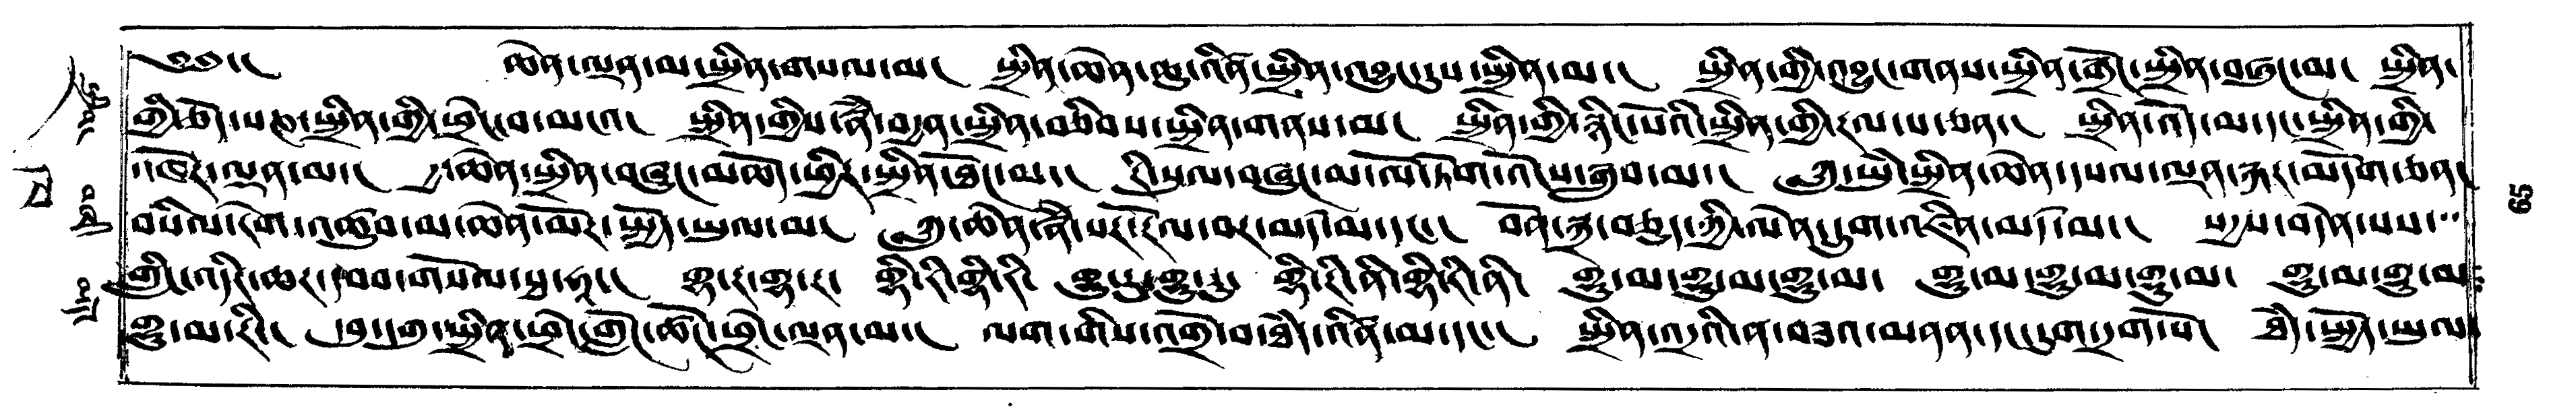ཆེན་ལྡན་མ་སྤྲིན་གསལ་མ། །སྤྲིན་ཆེན་ཆུ་འཛིན་སྤྲིན་འབྱུང་དུས་སྤྲིན་མ། །སྤྲིན་གྱི་འབྱུང་གནས་སྤྲིན་སྒྲོགས་སྤྲིན་བཞུགས་མ། སྤྲིན་
གྱི་ཅོད་པན་སྤྲིན་གྱི་ཕྲེང་བ་མངའ། །སྤྲིན་གྱིས་རྣམས་བརྒྱན་སྤྲིན་བཅིབས་སྤྲིན་གནས་མ། །སྤྲིན་གྱི་སྙིང་པོའི་སྤྲིན་གྱི་རལ་པ་ཅན། །སྤྲིན་འོད་མ་དང་སྤྲིན་གྱི་
འཁོར་ལྡན་མ། རྒྱ་ཆེན་སྤྲིན་བཞུགས་མཆོད་ཕྱིར་སྤྲིན་ཐོགས་མ། རི་སུལ་བཞུགས་མ་ལོ་ཏོག་འོངས་སྒྲུབ་མ། བསིལ་རེག་འཚུབ་མ་ཆེན་མོར་སྤྱོད་ཡུལ་མ། །
བསིལ་རིགས་ཾ་འཚུབ་མ་ཆེན་མོར་སྤྱོད་ཡུལ་མ ཀླུ་ཆེན་རྣམ་པར་རོལ་བར་མཛད་མ་དང་། །བོན་སྐྲ་བཅུད་ཀྱི་ལེན་དྲུག་འཛིན་མཛད་མ། །སངས་རྒྱས་བདེན་པས་
གླིང་འདིར་ཆར་དབབ་གསོལ། སྭ་ཧཱ། གྷ་ར་གྷ་ར། གྷིརི་གྷི་རི། གྷུ་རུ་གྷུ་རུ། གྷི་རི་ནི་གྷི་རི་ནི། གྷུ་མ་གྷུ་མ་གྷུ་མ། གྷུ་མ་གྷུ་མ་གྷུ་མ། གྷུ་མ་གྷུ་མ་
གྷུ་མ་རི། དབུ་དགུ་སྤྲིན་ཕྲེང་གློག་ཚོགས་ཕྲེང་ལྡན་མ། །ལག་གིས་འགྲོ་བ་ཐམས་ཅད་འཛིན་མ་དང་། །སྤྲིན་འདྲའི་ན་བཟའ་མནབ་དང་དུག་དྲག་པོ། །ཐམས་ཅད་སྤྱོད་ཡུལ་